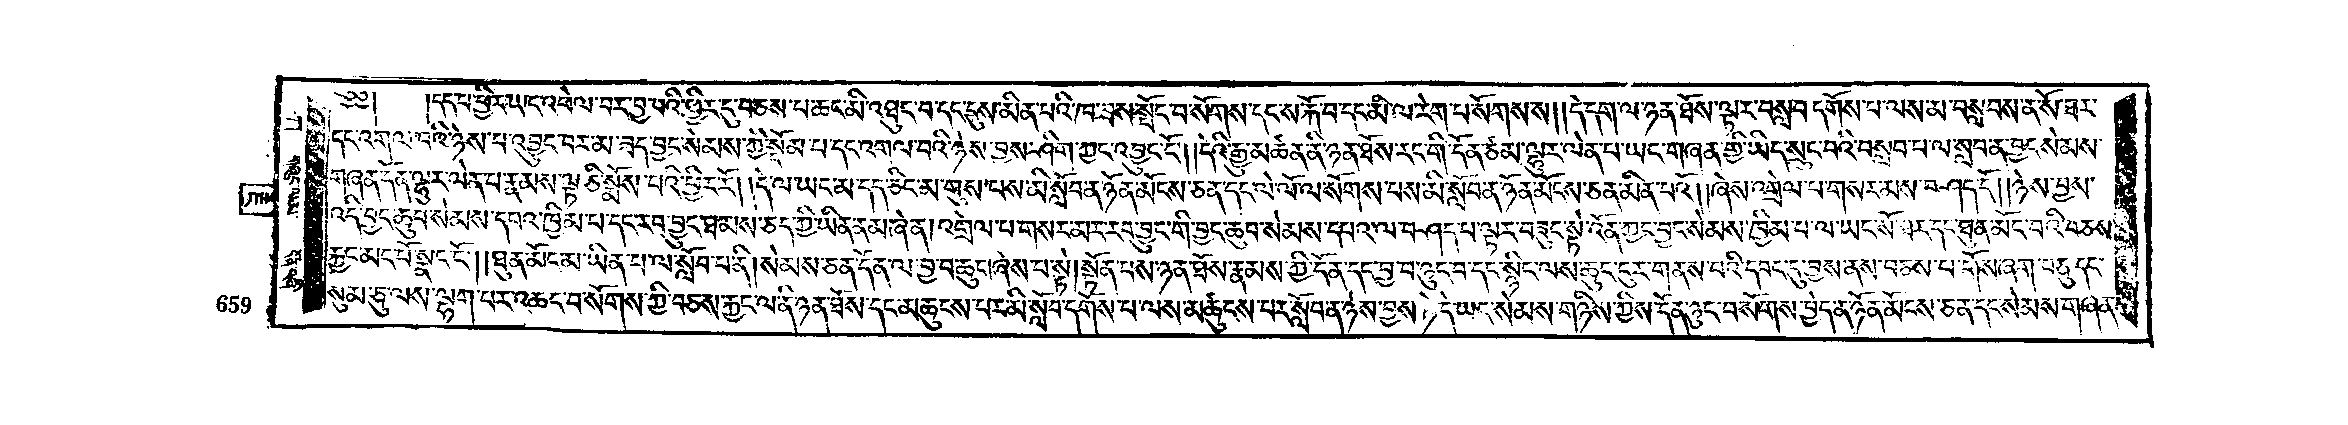༄༅། །དད་པ་ཕྱིར་ཡང་འཕེལ་བར་བྱ་བའི་ཕྱིར་དུ་བཅས་པ་ཆང་མི་འཐུང་བ་དང་དུས་མིན་པའི་ཁ་ཟས་སྤོང་བ་སོགས་དང་ས་རྐོ་བ་དང་མེ་ལ་རེག་པ་སོགས་ས། །དེ་དག་ལ་ཉན་ཐོས་ལྟར་བསླབ་དགོས་པ་ལས་མ་བསླབས་ན་སོ་ཐར་
དང་འགལ་བའི་ཉེས་པ་འབྱུང་བར་མ་ཟད་བྱང་སེམས་ཀྱི་སྡོམ་པ་དང་འགལ་བའི་ཉེས་བྱས་ཤིག་ཀྱང་འབྱུང་ངོ། །དེའི་རྒྱུ་མཚན་ནི་ཉན་ཐོས་རང་གི་དོན་ཙམ་ལྷུར་ལེན་པ་ཡང་གཞན་གྱི་ཡིད་སྲུང་བའི་བསླབ་པ་ལ་སླབ་ན་བྱང་སེམས་
གཞན་དོན་ལྷུར་ལེན་པ་རྣམས་ལྟ་ཅི་སྨོས་པའི་ཕྱིར་རོ། །དེ་ལ་ཡང་མ་དད་ཅིང་མ་གུས་པས་མི་སློབ་ན་ཉོན་མོངས་ཅན་དང་ལེ་ལོ་ལ་སོགས་པས་མི་སློབ་ན་ཉོན་མོངས་ཅན་མིན་པའོ། །ཞེས་འགྲེལ་པ་གསར་མས་བཤད་དོ། །ཉེས་བྱས་
འདི་བྱང་ཆུབ་སེམས་དཔའ་ཁྱིམ་པ་དང་རབ་བྱུང་ཐམས་ཅད་ཀྱི་ཡིན་ནམ་ཞེ་ན། འགྲེལ་པ་གསར་མར་རབ་བྱུང་གི་བྱང་ཆུབ་སེམས་དཔའ་ལ་བཤད་པ་ལྟར་བཟུང་སྟེ་འོན་ཀྱང་བྱང་སེམས་ཁྱིམ་པ་ལ་ཡང་སོ་ཐར་དང་ཐུན་མོང་བའི་བཅས་
རྐྱང་མང་པོ་སྣང་ངོ། །ཐུན་མོང་མ་ཡིན་པ་ལ་སློབ་པ་ནི། སེམས་ཅན་དོན་ལ་བྱ་བ་ཆུང་། ཞེས་པ་སྟེ། སྟོན་པས་ཉན་ཐོས་རྣམས་ཀྱི་དོན་དང་བྱ་བ་ཉུང་བ་དང་སྙིང་ལས་ཆུང་ངུར་གནས་པའི་དབང་དུ་བྱས་ནས་བཅས་པ་གོས་ཞག་བཅུ་དང་
སུམ་ཅུ་ལས་ལྷག་པར་འཆང་བ་སོགས་ཀྱི་བཅས་རྐྱང་ལ་ནི་ཉན་ཐོས་དང་མཚུངས་པར་མི་སློབ་དགོས་པ་ལས་མཚུངས་པར་སློབ་ན་ཉེས་བྱས་ཏེ་དེ་ཡང་སེམས་གཉིས་ཀྱིས་དོན་ཉུང་བ་སོགས་བྱེད་ན་ཉོན་མོངས་ཅན་དང་སེམས་གཞན་